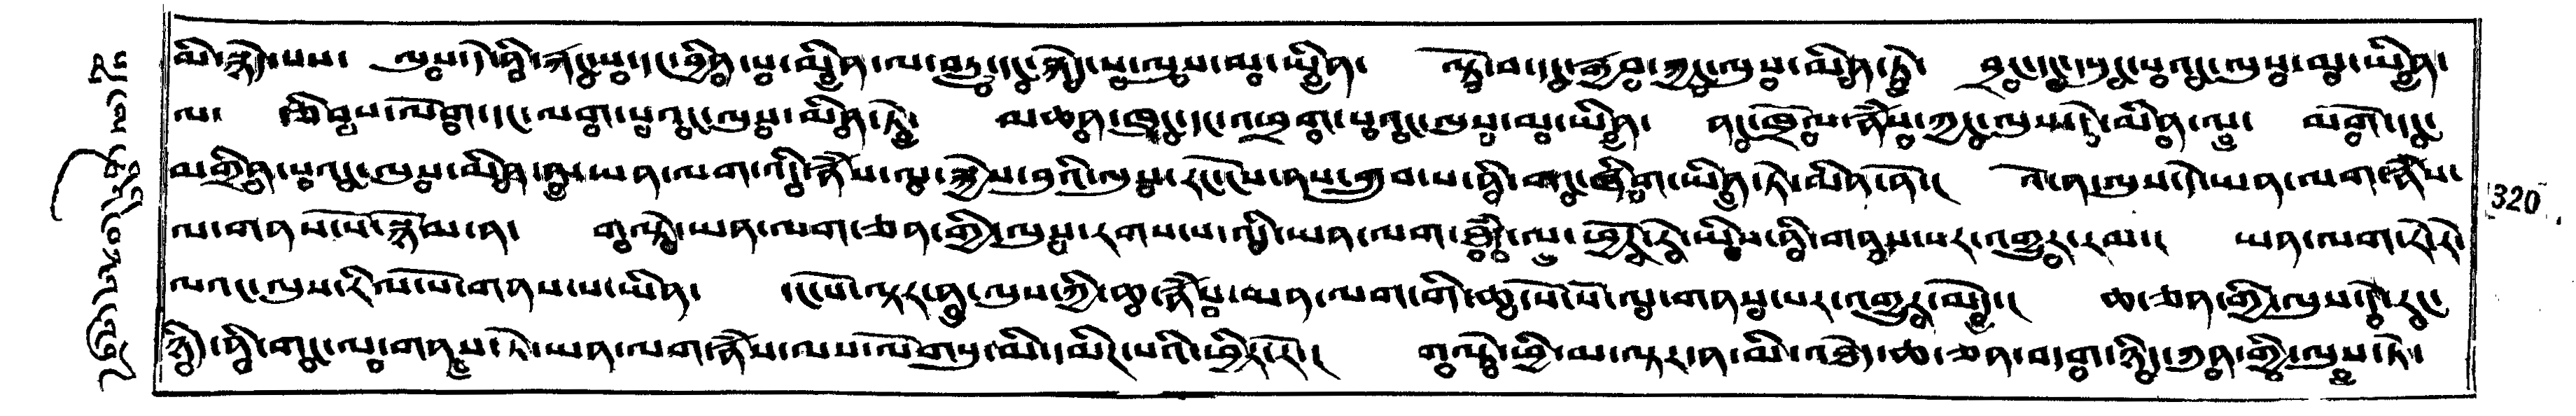མི་རྙེད་པས། ལུས་དེ་ནི་རྐང་པ་དང་བྱིན་པ་མིན་ལ་བརླ་དང་སྐེད་པ་ལུས་མ་ཡིན། ལྟོ་བ་དང་རྒྱབ་ཀྱང་ལུས་མིན་ཏེ། བྲང་དང་དཔུང་པའང་ལུས་མ་ཡིན་
ལ། རྩིབ་ལོག་དང་ལག་པའང་ལུས་མིན་ཏེ། མཆན་ཁུང་དང་ཕྲག་པའང་ལུས་མ་ཡིན། ནང་ཁྲོལ་རྣམས་ཀྱང་ལུས་དེ་མིན་ལ། མགོ་དང་
མགྲིན་པའང་ལུས་མིན་ན་ཡན་ལག་འདི་རྣམས་ལ་སྐྱེས་བུའི་ལུས་རང་ངོས་ནས་གྲུབ་པ་ནི་གང་ཞིག་ཡིན་ཏེ་མིན་ནོ།། འོ་ན་ལུས་དེ་ཡན་ལག་རྣམས་
ལ་གནས་སོ་སྙམ་ན། གལ་ཏེ་ཡན་ལག་ཅན་གྱི་ལུས་རགས་པ་འདི་ཡན་ལག་ཐམས་ཅད་ལ་ཕྱོགས་རེ་ཡིས་ནི་གནས་པར་འགྱུར་རམ། ཡན་ལག་རེ་རེ་
ལའང་ལུས་རིལ་པོ་གནས་པ་ཡིན། དང་པོ་ལྟར་ན་ལུས་ཀྱི་ཆ་རྣམས་ཡན་ལག་གི་ཆ་སོ་སོ་ལ་གནས་པར་འགྱུར་མོད། ཆ་ཅན་གྱིལུས་དེ་རང་
ཉིད་ནི་གང་ལ་གནས་ཏེ་ཡན་ལག་རྣམས་ལས་ལོགས་སུ་མི་དམིགས་པའི་ཕྱིར་རོ།། གལ་ཏེ་ཕྱི་མ་ལྟར་ན་མི་འཐད་དེ་ཆ་ཅན་བདག་ཉིད་ཀུན་ཀྱི་ལུས་ཏེ་